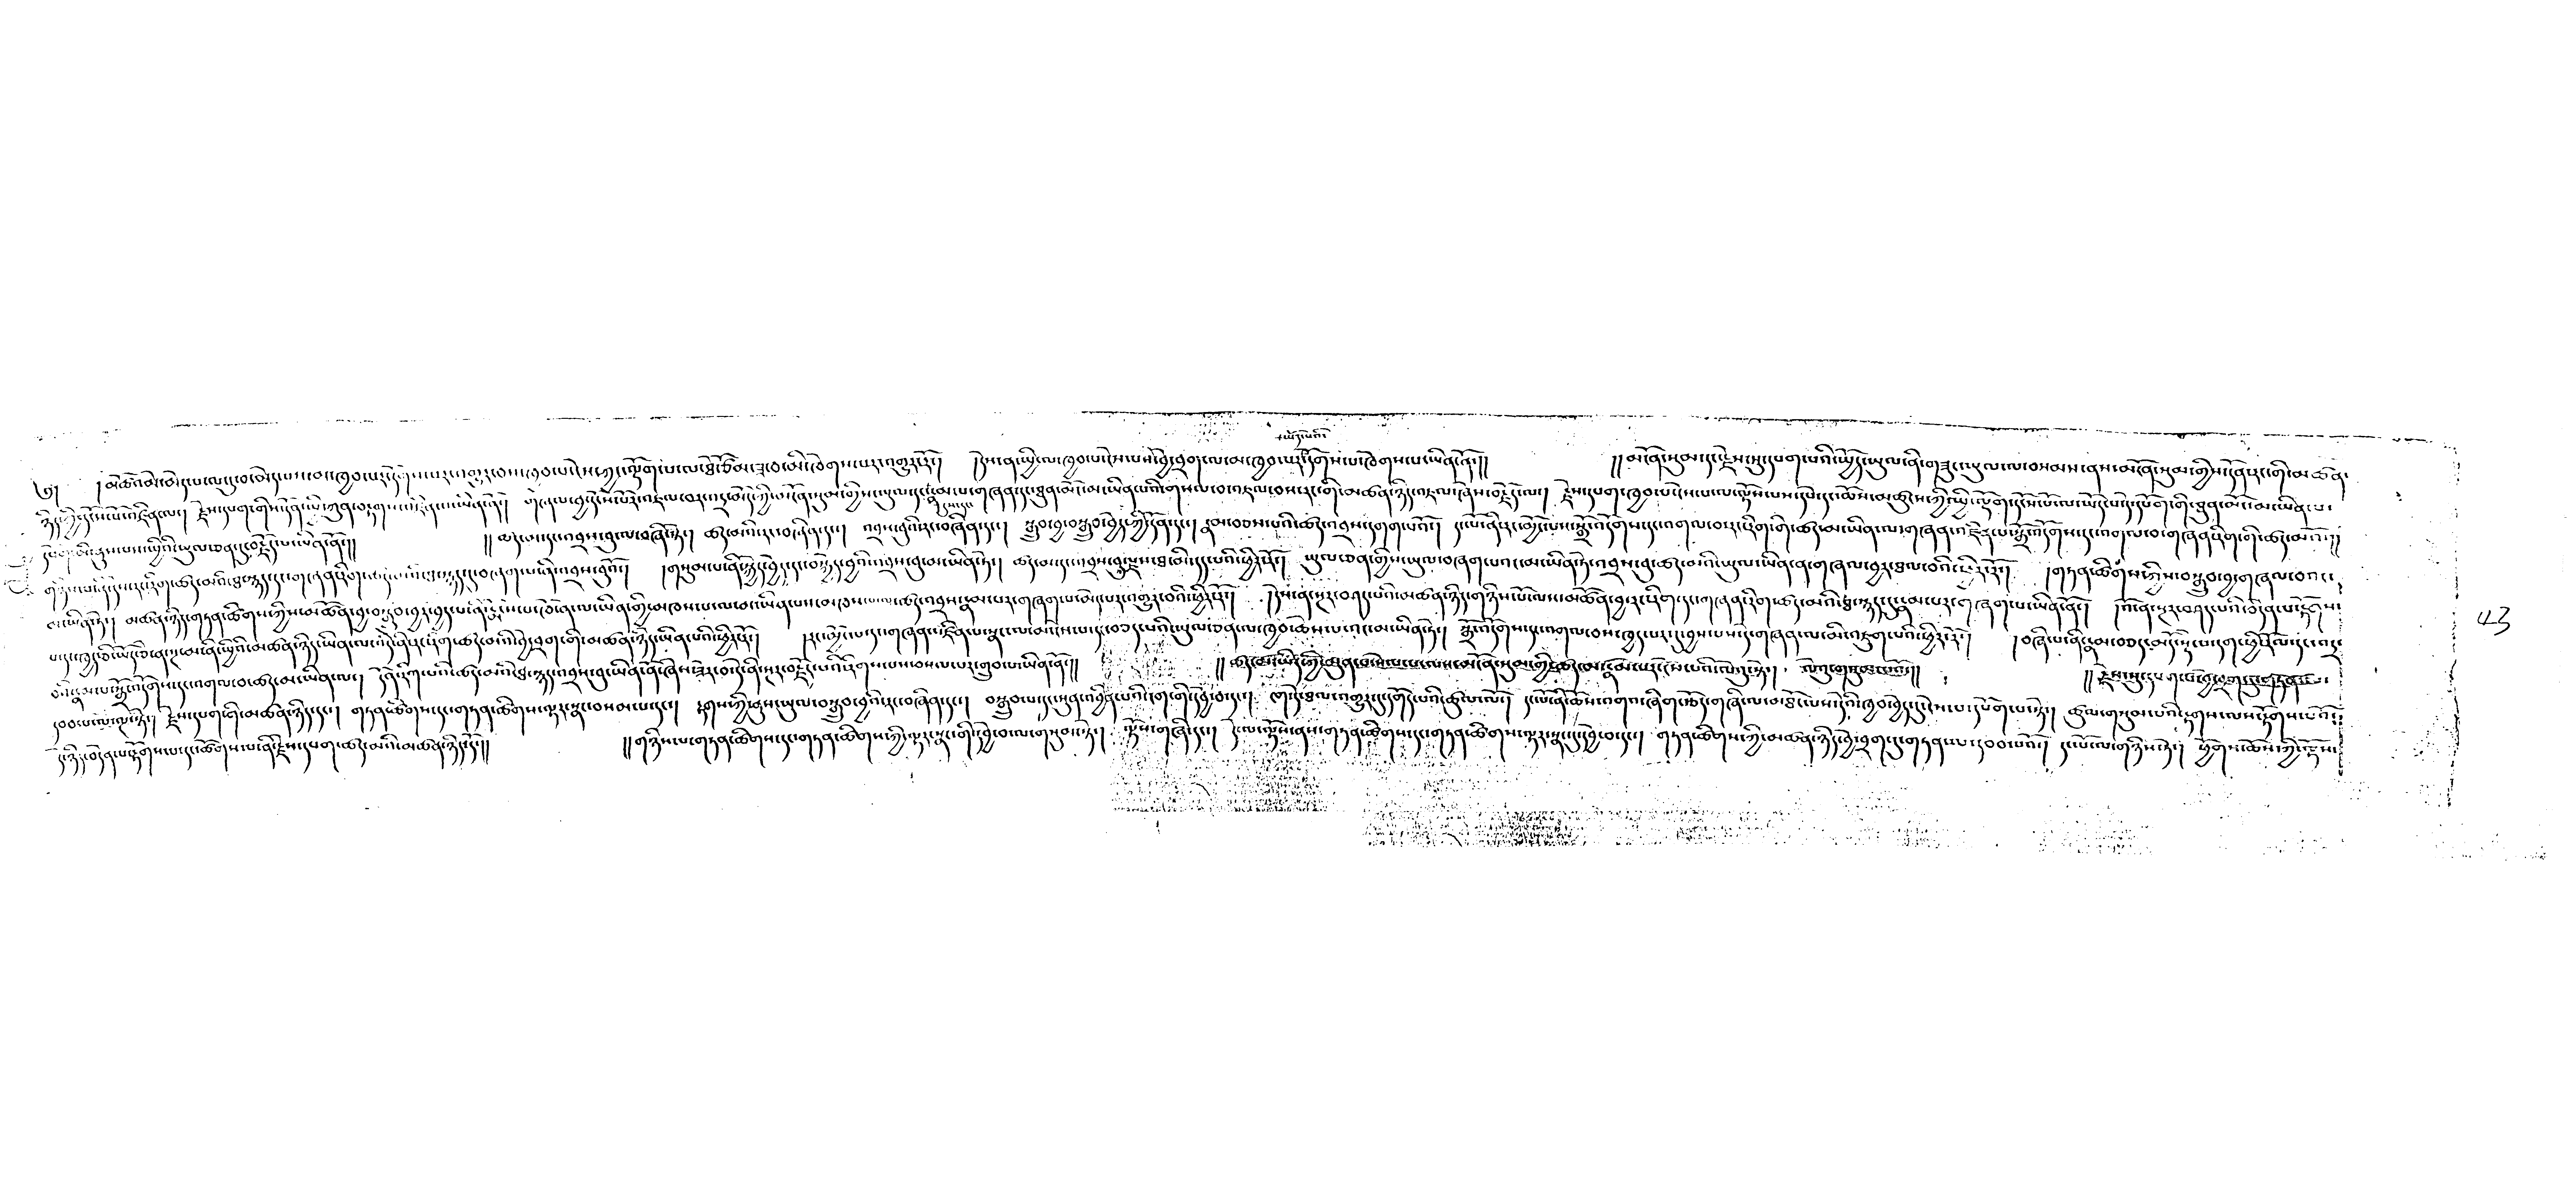༈། །མཚོའོ་མེ་མེད་པ་ལ་དུ་བ་མེད་པས་མ་ཁྱབ་པར་དོགས་པར་འགྱུར་བས་ཁྱབ་པ་ངེས་ཀྱང་ལྡོག་པ་ལ་ཐེ་ཙོམ་ཟ་བ་མི་ཁེགས་པར་འགྱུར་རོ། །དེས་ན་སྤྱི་ལ་ཁྱབ་པ་ངེས་པས་བྱེ་བྲག་ལ་མ་ཁྱབ་པར་ཡོད་པའི་དོགས་པ་ཁེགས་པ་ཡིན་ནོ།། །།མངོན་སུམ་དང་རྗེས་སུ་དཔག་པའི་སྤྱོད་ཡུལ་ནི་གཟུང་ཡུལ་ལ་བསམས་ནས་མངོན་སུམ་གྱིས་དོན་རང་གི་མཚན་
ཉིད་ཀྱི་དངོས་པོ་འཛིན་ལ། རྗེས་དཔག་གིས་དོན་སྤྱི་ཀུན་བརྟགས་འཛིན་པ་ཡིན་ནོ། གཞལ་བྱ་དངོས་པོར་འཇལ་བར་འདྲ་མེད་ཀྱི་མངོན་སུམ་གྱིས་ཡུལ་དང་དུས་དང་རྣམ་པ་གཞན་དང་ཐུན་མོང་མ་ཡིན་པའི་གསལ་བ་འཇལ་བས་རང་གི་མཚན་ཉིད་འཇལ་ཞེས་བརྗོད་ལ། རྗེས་དཔག་ཁྱབ་པ་ངེས་པ་ལ་ལྟོས་པས་དཔེ་དང་ཆོས་མཚུངས་ཀྱི་སྤྱི་ལྡོག་དངོས་པོ་ལ་ཡོད་པ་དེ་དཔོག་གི་ཐུན་མོང་མ་ཡིན་པ་
དཔོག་མི་ནུས་པས་སྤྱིའི་ཡུལ་ཅན་དུ་བརྗོད་པ་ཡིན་ནོ།། །།ཚད་མ་དང་འབྲས་བུ་ལ་བཞི་སྟེ། ཚད་མའི་རང་བཞིན་དང་། འབྲས་བུའི་རང་བཞིན་དང་། སྒྲུབ་བྱ་བསྒྲུབ་བྱེད་ཀྱི་དོན་དང་། རྣམ་བཅས་པའི་ཚད་འབྲས་དགག་པའོ། དང་པོ་ནི་རང་མྱོང་པས་སྒྲོ་འདོགས་དང་འགལ་བ་རང་རིག་གི་ཚད་མ་ཡིན་ལ་གཞན་འཛིན་པ་སྒྲོ་འདོགས་དང་འགལ་བ་གཞན་རིག་གི་ཚད་མའོ།།
གཉིས་པ་ནི་དེས་རང་རིག་ཚད་མའི་ཐ་སྙད་དང་གཞན་རིག་ཚད་པའི་ཐ་སྙད་དུ་བཞག་པ་ནི་འབྲས་བུའོ། །གསུམ་པ་ནི་སྐྱེད་བྱེད་དང་བསྐྱེད་བྱའི་འབྲས་བུ་མ་ཡིན་ཏེ། ཚད་མ་དང་འབྲས་བུ་རྫས་ཐ་མི་དད་པའི་ཕྱིར་རོ། ཡུལ་ཅན་གྱིས་ཡུལ་བཞག་པའང་མ་ཡིན་ཏེ་འབྲས་བུ་ཚད་མའི་ཡུལ་ཡིན་ན་གཞལ་བྱར་ཐལ་བའི་ཕྱིར་རོ། །གཏན་ཚིགས་ཀྱིས་བསྒྲུབ་བྱ་གཞལ་བའང་
མ་ཡིན་ཏེ། མཚན་ཉིད་གཏན་ཚིགས་ཀྱིས་མཚོན་བྱ་བསྒྲུབ་བྱར་བྱེད་པ་ནི་རྨོངས་པ་ཁོ་ན་ལ་ཡིན་གྱི་མཁས་པ་ལ་མ་ཡིན་པས་མཁས་པ་ལ་ཚད་འབྲས་རྣམ་པར་གཞག་པ་མེད་པར་འགྱུར་བའི་ཕྱིར་རོ། །དེས་ན་སྔར་བཤད་པའི་མཚན་ཉིད་གཉིས་པོ་ལས་མཚོན་བྱ་རང་རིག་དང་གཞན་རིག་ཚད་མའི་ཐ་སྙད་དུ་རྣམ་པར་གཞག་པ་ཡིན་ནོ། །འོ་ན་སྔར་བཤད་པའི་བདེན་པ་རྟོགས་
པ་དང་ཁྱད་ཅི་ཡོད་ཅེ་ན་སྔ་མ་ནི་སྤྱིའི་མཚན་ཉིད་ཡིན་ལ་འདི་ནི་རང་རིག་ཚད་མའི་བྱེ་བྲག་གི་མཚན་ཉིད་ཡིན་པའི་ཕྱིར་རོ། །རང་མྱོང་པ་དང་གཞན་འཛིན་པ་སྣང་ལ་མ་ངེས་པ་དང་བཅད་པའི་ཡུལ་ཅན་ལ་ཁྱབ་ཆེས་པ་འང་མ་ཡིན་ཏེ། སྒྲོ་འདོགས་དང་འགལ་བས་ཁྱད་པར་དུ་བྱས་པས་དེ་གཞན་ལ་མི་འཇུག་པའི་ཕྱིར་རོ། །བཞི་པ་ནི་རྣམ་བཅད་མདོ་སྡེ་པ་དག་ཕྱི་རོལ་དང་འདྲ་
བའི་རྣམ་པ་སྒྲོ་འདོགས་དང་འགལ་བ་ཚད་མ་ཡིན་ལ། དོན་རིག་པའི་ཚད་མའི་ཐ་སྙད་འབྲས་བུ་ཡིན་ནོ་ཞེས་ཟེར་བ་དེ་ནི་སྔར་བརྗོད་པའི་རིགས་པས་བསལ་པར་གྲུབ་པ་ཡིན་ནོ།། །།ཚད་མ་ཡིད་ཀྱི་མུན་བ་སེལ་པ་ལས་མངོན་སུམ་གྱི་ཚད་མ་རྣམ་པར་ངེས་པའི་ལེའུ་སྟེ། ལེའུ་གསུམ་པའོ།། །།རྗེས་སུ་དཔག་པ་བྱེ་བྲག་དུ་གཏན་ལ་
དབབ་པ་ལ་ལྔ་སྟེ། རྗེས་དཔག་གི་མཚན་ཉིད་དང་། གཏན་ཚིགས་དང་གཏན་ཚིགས་ལྟར་སྣང་བསམ་པ་དང་། རྟགས་ཀྱི་ནུས་ཡུལ་བསྒྲུབ་བྱའི་རང་བཞིན་དང་། བསྒྲུབ་པ་དང་སུན་འབྱིན་པའི་ངག་གི་དབྱེ་བ་དང་། ངག་དེ་ཐལ་འགྱུར་དུ་དགོད་པའི་ཚུལ་ལོ། དང་པོ་ནི་ཆོས་འགའ་ཞིག་རྩོད་གཞི་ལ་མཐོང་པས་དེའི་ཁྱབ་བྱེད་དུ་ངེས་པ་དཔོག་པ་སྟེ། ཚུལ་གསུམ་པའི་རྟགས་ལས་རྟོགས་པའོ།
དེ་ཉིད་བདེན་པ་རྟོགས་པ་དང་ཚོགས་པ་ནི་རྗེས་དཔག་ཚད་མའི་མཚན་ཉིད་དོ།། །།གཉིས་པ་གཏན་ཚིགས་དང་གཏན་ཚིགས་ཀྱི་ལྟར་སྣང་གི་དབྱེ་བ་ལ་གསུམ་སྟེ། ལྟོས་གཞི་དང་། དེ་ལ་ལྟོས་ནས་གཏན་ཚིགས་དང་གཏན་ཚིགས་ལྟར་སྣང་དུ་དབྱེ་བ་དང་། གཏན་ཚིགས་ཀྱི་མཚན་ཉིད་བྱེ་བྲག་དུ་གཏན་ལ་དབབ་པའོ། དང་པོ་ལ་གཉིས་ཏེ། ཕྱོགས་ཆོས་ཀྱི་ལྟོས་